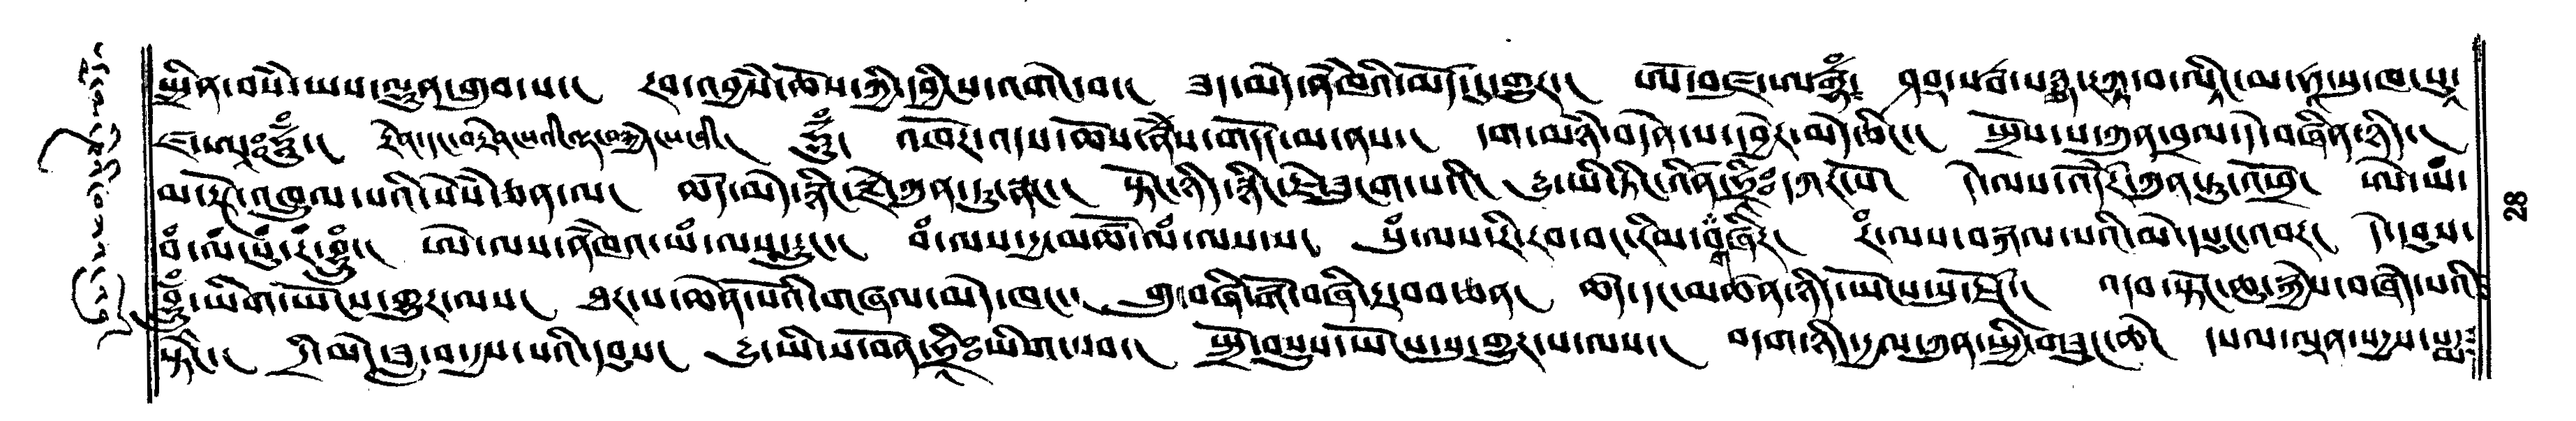སྤྲིན་བསམ་ཡས་ལྷུན་གྲུབ་པ། །རབ་འབྱམས་ཆོས་ཀྱི་དབྱིངས་འགེང་བ། །ཟད་མེད་ནམ་མཁའི་མཛོད་དུ་གྱུར། ཨོཾ་བཛྲ་ཨརྒྷཾ༴ ཤབྡ་སརྦ་པཉྩ་རཀྟ་བ་ལིངྟ་མ་ཧཱ་སུ་ཁ་པཱུ་
ཛ་ཨཱཿཧཱུྃ། རྟེན་དང་བརྟེན་པའི་ལྷ་སྐྱེད་པ་ནི། ཧཱུྃ། འཁོར་འདས་ཆོས་རྣམས་གདོད་མ་ནས། །དག་མཉམ་བདེན་པ་དབྱེར་མེད་ཅིང་། །སྤྲོས་པ་ཀུན་བྲལ་དེ་བཞིན་ཉིད། །
མ་རྟོགས་འཁྲུལ་པའི་སེམས་ཅན་ལ། །ཚད་མེད་སྙིང་རྗེ་ཀུན་ཏུ་སྣང་། །སྟོང་ཉིད་སྙིང་རྗེ་ཟུང་འཇུག་པའི། །རྒྱུ་ཡི་ཏིང་འཛིན་ཧྲཱིཿདཀར་པོ། །དེ་ལས་འོད་ཟེར་ཀུན་ཏུ་འཕྲོ། ཨེ་ཡྃ་
བྃ་ལྃ་སུྃ་རྃ་བྷྲུྃ། །ཨེ་ལས་ནམ་མཁའ་ཡཾ་ལས་རླུང་། །བྃ་ལས་རྒྱ་མཚོ་ལཾ་ལས་ས། །སུྃ་ལས་རི་རབ་བང་རིམ་གཞིར། །རྃ་ལས་བསྐལ་པའི་མེ་དཔུང་འབར། །དེ་དབུས་
བྷྲུྃ་ཡིག་ཡོངས་གྱུར་ལས། །ཐར་པ་ཆེན་པོའི་གཞལ་མེད་ཁང་། །གྲུ་བཞི་སྒོ་བཞི་རྟ་བབས་ཅན། །ཚད་དང་མཚན་ཉིད་ཡོངས་སུ་རྫོགས། །འདབ་སྟོང་ཆུ་སྐྱེས་བཞེད་པའི་
སྟེང་། །དྲི་མེད་ཟླ་བ་རྒྱས་པའི་དབུས། །རྒྱུ་ཡི་ས་བོན་ཧྲཱིཿཡིག་བབས། །སྤྲོ་བསྡུས་ཡོངས་སུ་གྱུར་པ་ལས། །བདག་ཉིད་རྒྱལ་ཀུན་སྤྱི་གཟུགས་ཆེ། །དཔལ་ལྡན་སངས་རྒྱས་པདྨ་